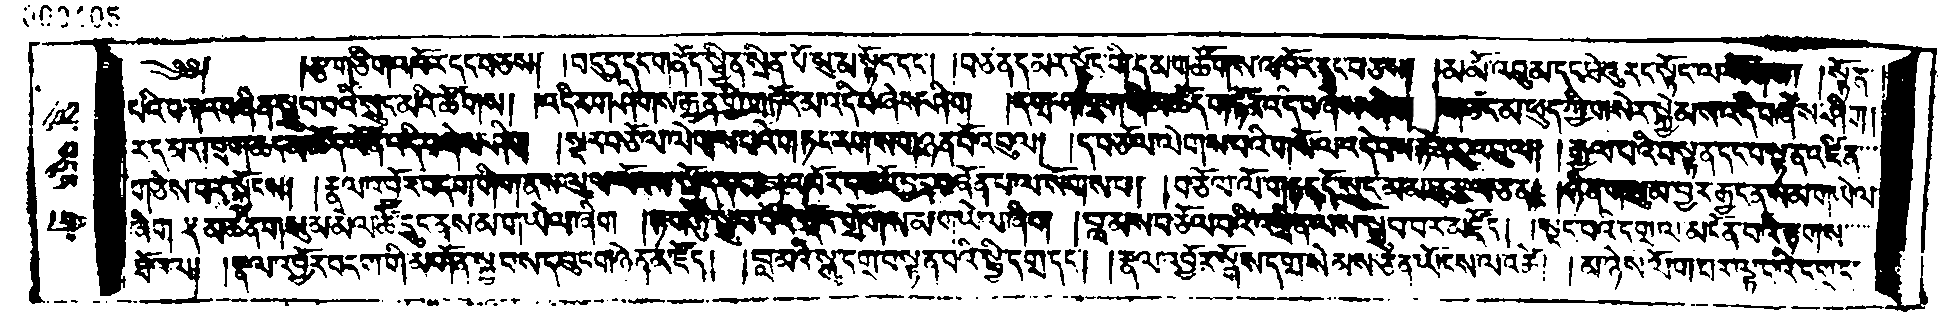༄༅། །རྩ་གཅིག་འཁོར་དང་བཅས། །བདུད་དང་གནོད་སྦྱིན་སྲིན་པོ་སུམ་སྟོང་དང་། །བཙན་དམར་སྟོང་གི་དམག་ཚོགས་འཁོར་དང་བཅས། །མ་མོ་འབུམ་དང་ཐེའུ་རང་སྟོང་ལ་སོགས། །སྟོན་
པའི་བཀའ་བཞིན་སྒྲུབ་པའི་སྲུང་མའི་ཚོགས། །འདིར་གཤེགས་རྒྱན་གྱི་གཏོར་མ་འདི་བཞེས་ཤིག །དགྲ་ཤ་ཁྲག་གི་མཆོད་གཏོར་འདི་བཞེས་ཤིག །གཙང་མ་ཕུད་ཀྱི་གསེར་སྐྱེམས་འདི་བཞེས་ཤིག །
ར་དམར་ཁྲག་ཆང་མཆོད་ཡོན་འདི་བཞེས་ཤིག །སྔར་བཅོལ་ལེགས་པའི་གཏང་རགས་གཉན་པོ་འབུལ། །ད་བཅོལ་ལེགས་པའི་གསོལ་འདེབས་རྟེན་དུ་འབུལ། །རྒྱལ་བའི་བསྟན་དང་བསྟན་འཛིན་
གཅེས་པར་སྐྱོངས། །རྣལ་འབྱོར་བདག་གི་གནས་ལུས་ལོངས་སྤྱོད་དང་། །འཁོར་དང་ཡོ་བྱད་བཞོན་པ་ལ་སོགས་པ། །བཅོལ་ལོ་གཏད་དོ་སྲུང་མ་མཐུ་རྩལ་ཅན། །ཉིན་གསུམ་བྱར་རྒྱང་ནས་མ་གཡེལ་
ཞིག ༑མཚན་གསུམ་མེལ་ཚེ་དྲུང་ནས་མ་གཡེལ་ཞིག །རྟག་ཏུ་སྒྲུབ་བོའི་སྡོང་གྲོགས་མ་གཡེལ་ཞིག །བླ་མས་བཅོལ་བའི་འཕྲིན་ལས་སྒྲུབ་པར་མཛོད། །སྡང་བའི་དགྲ་ལ་མངོན་པའི་རྟགས་
ཐོས་ལ། །རྣལ་འབྱོར་བདག་གི་མགོན་སྐྱབས་དཔུང་གཉེན་མཛོད། །བླ་མའི་སྐུ་དགྲ་བསྟན་པའི་སྤྱི་དགྲ་དང་། །རྣལ་འབྱོར་སྒོས་དག་སེམས་ཅན་ཡོངས་ལ་འཚེ། །མ་ཉེས་ལོག་པར་ལྟ་བའི་དགྲ་དང་